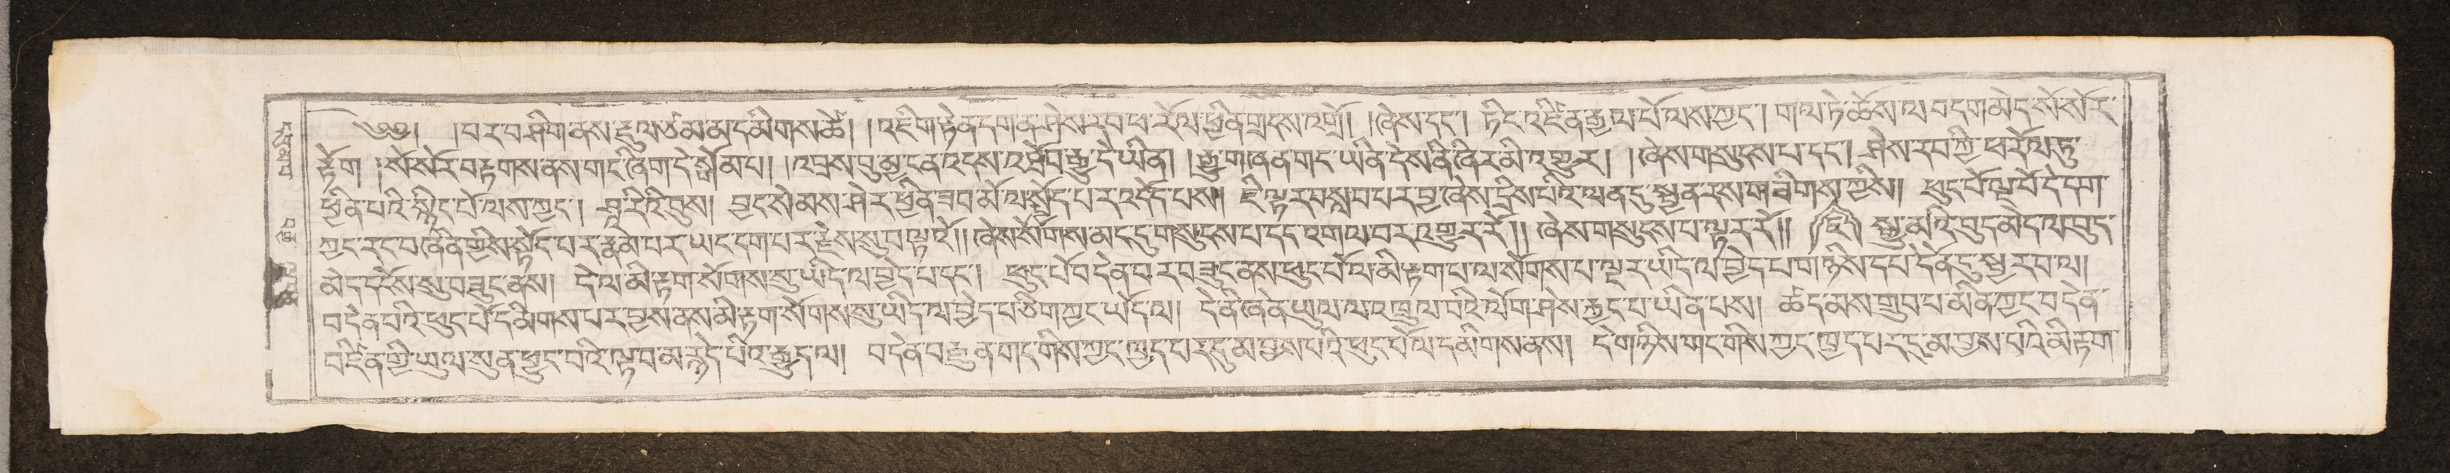༄༅། །པར་བཤིག་ནས་རྡུལ་ཙམ་མ་དམིགས་ཚེ། །འཇིག་རྟེན་དག་ན་ཤེས་རབ་ཕ་རོལ་ཕྱིན་གྲངས་འགྲོ། །ཞེས་དང་། ཏིང་འཛིན་རྒྱལ་པོ་ལས་ཀྱང་། །གལ་ཏེ་ཆོས་ལ་བདག་མེད་སོ་སོར་
རྟོག །སོ་སོར་བརྟགས་ནས་གང་ཞིག་དེ་སྒོམ་པ། །འབྲས་བུ་མྱ་ངན་འདས་འཐོབ་རྒྱུ་དེ་ཡིན། །རྒྱུ་གཞན་གང་ཡིན་དེས་ནི་ཞིར་མི་འགྱུར། །ཞེས་གསུངས་པ་དང་། ཤེས་རབ་ཀྱི་ཕ་རོལ་ཏུ་
ཕྱིན་པའི་སྙིང་པོ་ལས་ཀྱང་། ཤཱ་རིའི་བུས། བྱང་སེམས་ཤེར་ཕྱིན་ཟབ་མོ་ལ་སྤྱོད་པར་འདོས་པས། ཇི་ལྟར་བསླབ་པར་བྱ་ཞེས་དྲིས་པའི་ལན་དུ་སྤྱན་རས་གཟིགས་ཀྱིས། ཕུང་པོ་ལྔ་པོ་དེ་དག་
ཀྱང་རང་བཞིན་གྱིས་སྟོང་པར་རྣམ་པར་ཡང་དག་པར་རྗེས་སུ་བལྟའོ། །ཞེས་སོགས་མང་དུ་གསུངས་པ་དང་འགལ་བར་འགྱུར་རོ།། ཞེས་གསུངས་པ་ལྟར་རོ།། ༼༽ཇ༼༽ སྨྱུ་མའི་བུད་མེད་ལ་བུད་
མེད་དངོས་སུ་བཟུང་ནས། དེ་ལ་མི་རྟག་སོགས་སུ་ཡིད་ལ་བྱེད་པ་དང་། ཕུང་པོ་བདེན་པར་བཟུང་ནས་ཕུང་པོ་ལ་མི་རྟག་པ་ལ་སོགས་པ་ལྔར་ཡིད་ལ་བྱེད་པ་གཉིས་དཔེ་དོན་དུ་སྦྱར་བ་ལ།
བདེན་པའི་ཕུང་པོ་དམིགས་པར་བྱས་ནས་མི་རྟག་སོགས་སུ་ཡིད་ལ་བྱེད་པ་གཅིག་ཀྱང་ཡོད་ལ། དེ་ནི་ཞེན་ཡུལ་ལ་འཁྲུལ་བའི་ལོ་གཤེགས་རྐྱང་པ་ཡིན་པས། ཚད་མས་གྲུབ་པ་མིན་ཀྱང་བདེན་
འཛིན་གྱི་ཡུལ་སུན་ཕྱུང་བའི་ལྟ་བ་མ་རྙེད་པའི་རྒྱུད་ལས། བདེན་བརྒྱུད་གང་གིས་ཀྱང་ཁྱད་པར་དུ་མ་བྱས་པའི་ཕུང་པོ་ལ་དམིགས་ནས། དེ་གཉིས་གང་གི་ཀྱང་ཁྱད་པར་དུ་མ་བྱས་པའི་མི་རྟག་